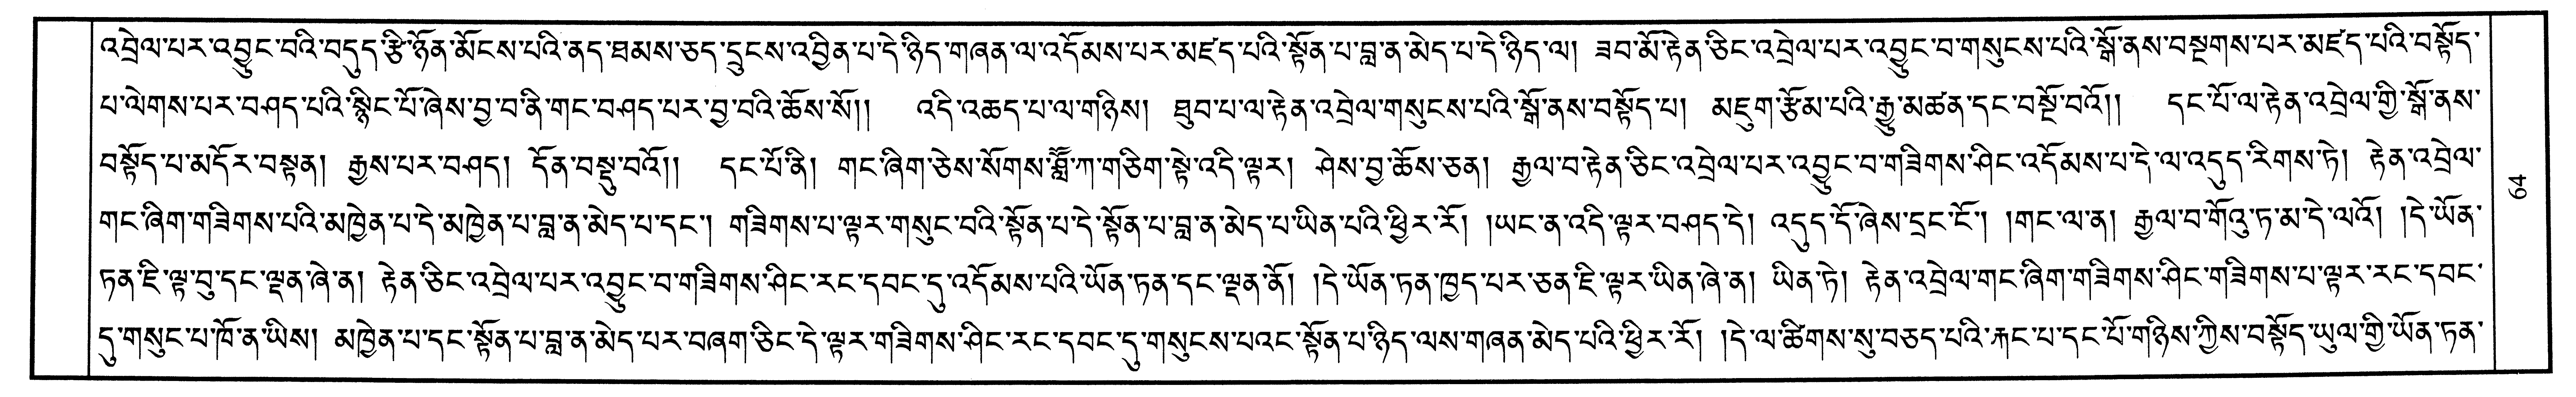འབྲེལ་པར་འབྱུང་བའི་བདུད་རྩི་ཉོན་མོངས་པའི་ནད་ཐམས་ཅད་དྲུངས་འབྱིན་པ་དེ་ཉིད་གཞན་ལ་འདོམས་པར་མཛད་པའི་སྟོན་པ་བླ་ན་མེད་པ་དེ་ཉིད་ལ། ཟབ་མོ་རྟེན་ཅིང་འབྲེལ་པར་འབྱུང་བ་གསུངས་པའི་སྒོ་ནས་བསྔགས་པར་མཛད་པའི་བསྟོད་
པ་ལེགས་པར་བཤད་པའི་སྙིང་པོ་ཞེས་བྱ་བ་ནི་གང་བཤད་པར་བྱ་བའི་ཆོས་སོ།། འདི་འཆད་པ་ལ་གཉིས། ཐུབ་པ་ལ་རྟེན་འབྲེལ་གསུངས་པའི་སྒོ་ནས་བསྟོད་པ། མཇུག་རྩོམ་པའི་རྒྱུ་མཚན་དང་བསྔོ་བའོ།། དང་པོ་ལ་རྟེན་འབྲེལ་གྱི་སྒོ་ནས་
བསྟོད་པ་མདོར་བསྟན། རྒྱས་པར་བཤད། དོན་བསྡུ་བའོ།། དང་པོ་ནི། གང་ཞིག་ཅེས་སོགས་ཤླཽ་ཀ་གཅིག་སྟེ་འདི་ལྟར། ཤེས་བྱ་ཆོས་ཅན། རྒྱལ་བ་རྟེན་ཅིང་འབྲེལ་པར་འབྱུང་བ་གཟིགས་ཤིང་འདོམས་པ་དེ་ལ་འདུད་རིགས་ཏེ། རྟེན་འབྲེལ་
གང་ཞིག་གཟིགས་པའི་མཁྱེན་པ་དེ་མཁྱེན་པ་བླ་ན་མེད་པ་དང་། གཟིགས་པ་ལྟར་གསུང་བའི་སྟོན་པ་དེ་སྟོན་པ་བླ་ན་མེད་པ་ཡིན་པའི་ཕྱིར་རོ། །ཡང་ན་འདི་ལྟར་བཤད་དེ། འདུད་དོ་ཞེས་དྲང་ངོ། །གང་ལ་ན། རྒྱལ་བ་གོའུ་ཏ་མ་དེ་ལའོ། །དེ་ཡོན་
ཏན་ཇི་ལྟ་བུ་དང་ལྡན་ཞེ་ན། རྟེན་ཅིང་འབྲེལ་པར་འབྱུང་བ་གཟིགས་ཤིང་རང་དབང་དུ་འདོམས་པའི་ཡོན་ཏན་དང་ལྡན་ནོ། །དེ་ཡོན་ཏན་ཁྱད་པར་ཅན་ཇི་ལྟར་ཡིན་ཞེ་ན། ཡིན་ཏེ། རྟེན་འབྲེལ་གང་ཞིག་གཟིགས་ཤིང་གཟིགས་པ་ལྟར་རང་དབང་
དུ་གསུང་པ་ཁོ་ན་ཡིས། མཁྱེན་པ་དང་སྟོན་པ་བླ་ན་མེད་པར་བཞག་ཅིང་དེ་ལྟར་གཟིགས་ཤིང་རང་དབང་དུ་གསུངས་པའང་སྟོན་པ་ཉིད་ལས་གཞན་མེད་པའི་ཕྱིར་རོ། །དེ་ལ་ཚིགས་སུ་བཅད་པའི་རྐང་པ་དང་པོ་གཉིས་ཀྱིས་བསྟོད་ཡུལ་གྱི་ཡོན་ཏན་